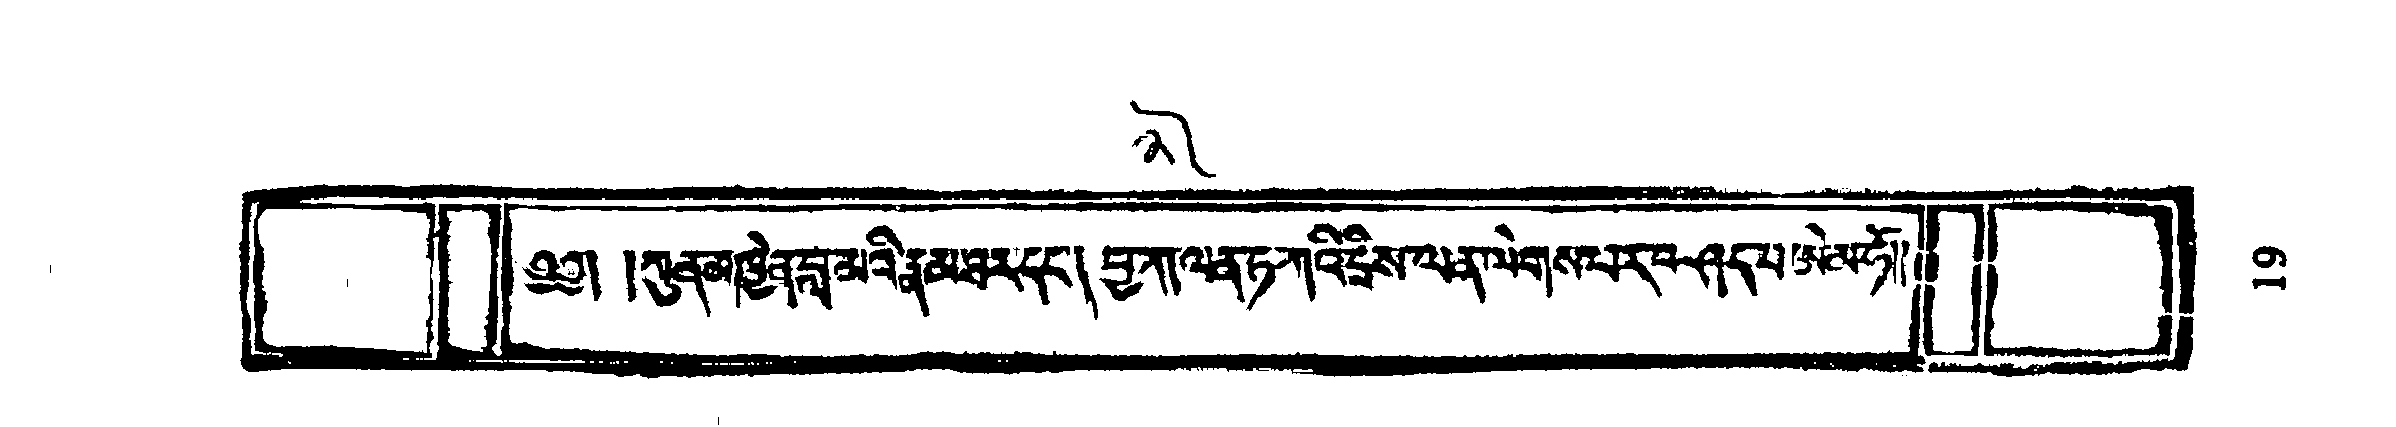༄༅། །ཀུན་མཁྱེན་བླ་མའི་རྣམ་ཐར་དང་། བྱ་ཀ་ལན་ཏ་ཀའི་དྲིས་ལན་ལེགས་པར་བཤད་པ་ཨེ་མ་ཧོ། །